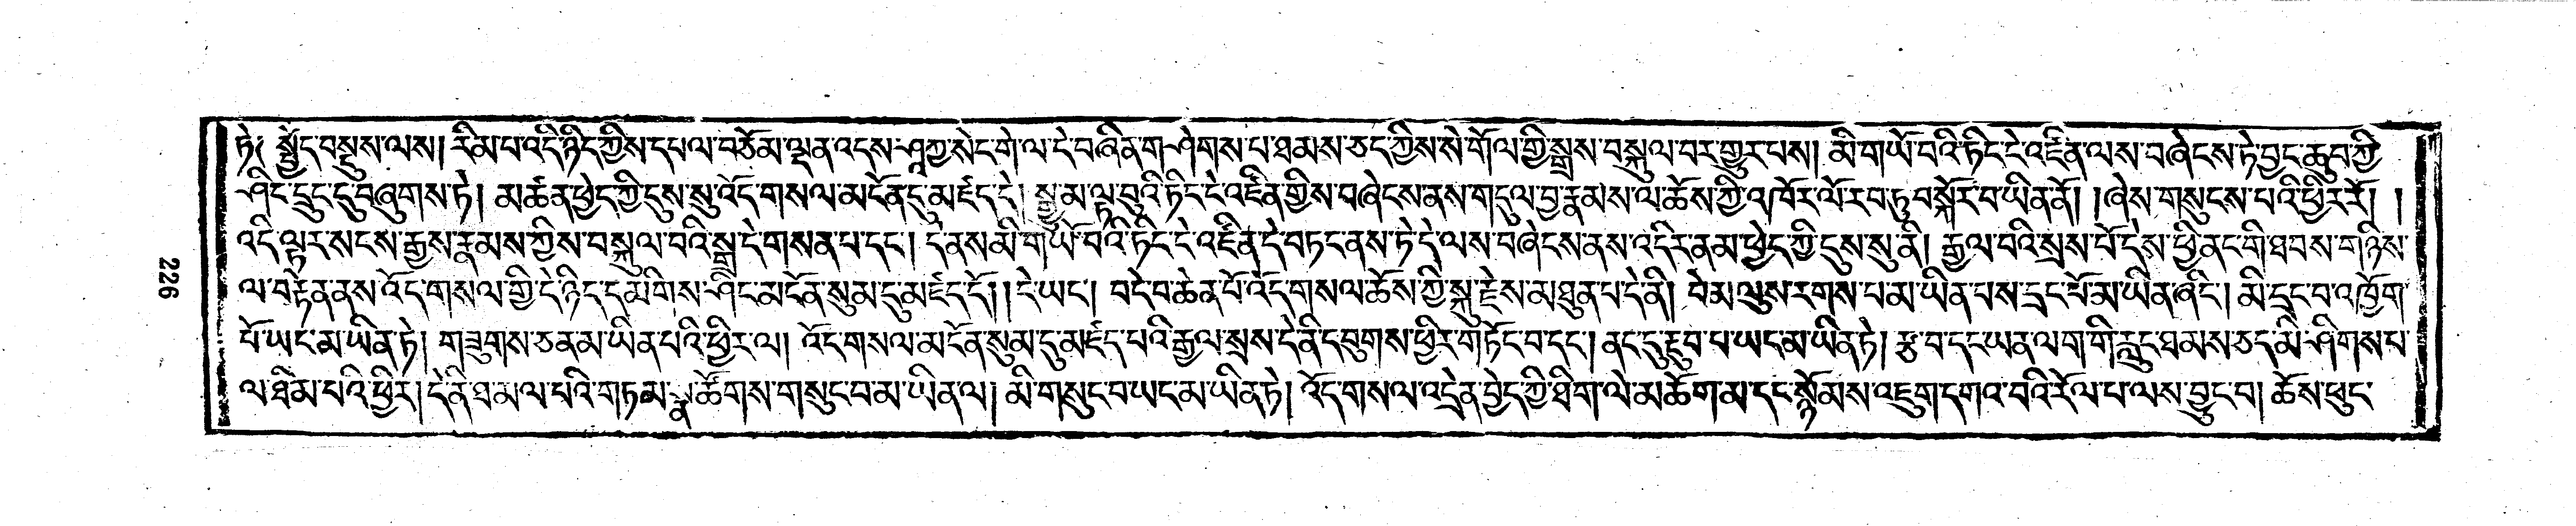ཏེ༑ སྤྱོད་བསྡུས་ལས། རིམ་པ་འདི་ཉིད་ཀྱིས་དཔལ་བཅོམ་ལྡན་འདས་ཤཱཀྱ་སེང་གེ་ལ་དེ་བཞིན་གཤེགས་པ་ཐམས་ཅད་ཀྱིས་སེ་གོལ་གྱི་སྒྲས་བསྐུལ་བར་གྱུར་པས། མི་གཡོ་བའི་ཏིང་ངེ་འཛིན་ལས་བཞེངས་ཏེ་བྱང་ཆུབ་ཀྱི་
ཤིང་དྲུང་དུ་བཞུགས་ཏེ། མཚན་ཕྱེད་ཀྱི་དུས་སུ་འོད་གསལ་མངོན་དུ་མཛད་དེ། སྒྱུ་མ་ལྟ་བུའི་ཏིང་ངེ་འཛིན་གྱིས་བཞེངས་ནས་གདུལ་བྱ་རྣམས་ལ་ཆོས་ཀྱི་འཁོར་ལོ་རབ་ཏུ་བསྐོར་བ་ཡིན་ནོ། །ཞེས་གསུངས་པའི་ཕྱིར་རོ། །
འདི་ལྟར་སངས་རྒྱས་རྣམས་ཀྱིས་བསྐུལ་བའི་སྒྲ་དེ་གསན་པ་དང་། དེ་ནས་མི་གཡོ་བའི་ཏིང་ངེ་འཛིན་དེ་བཏང་ནས་ཏེ་དེ་ལས་བཞེངས་ནས་འདིར་ནམ་ཕྱེད་ཀྱི་དུས་སུ་ནི། རྒྱལ་བའི་སྲས་པོ་དེས་ཕྱི་ནང་གི་ཐབས་གཉིས་
ལ་བརྟེན་ནས་འོད་གསལ་གྱི་དེ་ཉིད་དམིགས་ཤིང་མངོན་སུམ་དུ་མཛད་དོ། །དེ་ཡང་། བདེ་བ་ཆེན་པོ་འོད་གསལ་ཆོས་ཀྱི་སྐུ་རྗེས་མཐུན་པ་དེ་ནི། བེམ་ལུས་རགས་པ་མ་ཡིན་པས་དྲང་པོ་མ་ཡིན་ཞིང་། མི་དྲང་བ་འཁྱོག་
པོ་ཡང་མ་ཡིན་ཏེ། གཟུགས་ཅན་མ་ཡིན་པའི་ཕྱིར་ལ། འོད་གསལ་མངོན་སུམ་དུ་མཛད་པའི་རྒྱལ་སྲས་དེ་ནི་དབུགས་ཕྱིར་གཏོང་བ་དང་། ནང་དུ་རྡུབ་པ་ཡང་མ་ཡིན་ཏེ། རྩ་བ་དང་ཡན་ལག་གི་རླུང་ཐམས་ཅད་མི་ཤིགས་པ་
ལ་ཐིམ་པའི་ཕྱིར། དེ་ནི་ཐ་མལ་པའི་གཏམ་སྣ་ཚོགས་གསུང་བ་མ་ཡིན་ལ། མི་གསུང་བ་ཡང་མ་ཡིན་ཏེ། འོད་གསལ་འདྲེན་བྱེད་ཀྱི་ཐིག་ལེ་མཆོག་མ་དང་སྙོམས་འཇུག་དགའ་བའི་རོལ་པ་ལས་བྱུང་བ། ཆོས་ཕུད་